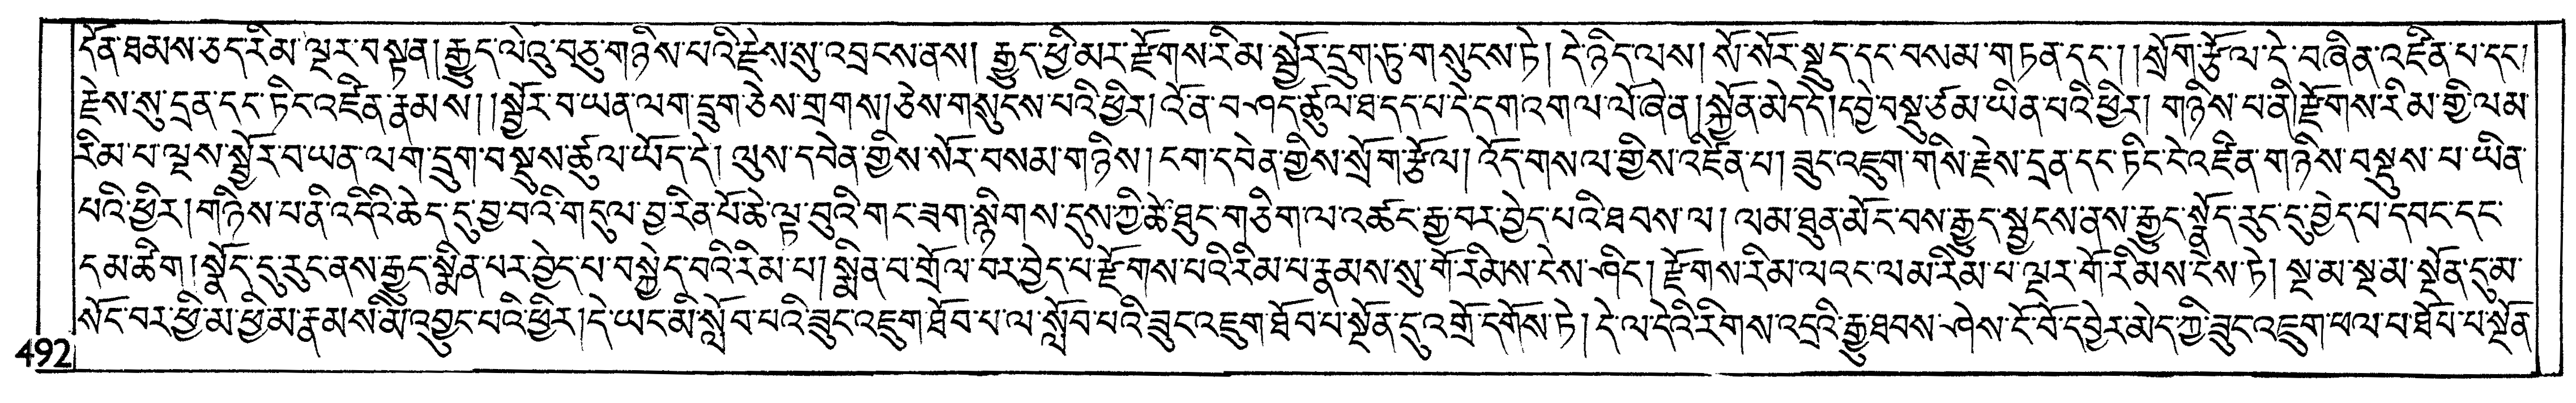དོན་ཐམས་ཅད་རིམ་ལྔར་བསྟན། རྒྱུད་ལེའུ་བཅུ་གཉིས་པའི་རྗེས་སུ་འབྲངས་ནས། རྒྱུད་ཕྱི་མར་རྫོགས་རིམ་སྦྱོར་དྲུག་ཏུ་གསུངས་ཏེ། དེ་ཉིད་ལས། སོ་སོར་སྡུད་དང་བསམ་གཏན་དང་། །སྲོག་རྩོལ་དེ་བཞིན་འཛིན་པ་དང་།
རྗེས་སུ་དྲན་དང་ཏིང་འཛིན་རྣམས། །སྦྱོར་བ་ཡན་ལག་དྲུག་ཅེས་གྲགས། ཅེས་གསུངས་པའི་ཕྱིར། འོ་ན་བཤད་ཚུལ་ཐ་དད་པ་དེ་དག་འགལ་ལོ་ཞེ་ན། སྐྱོན་མེད་དེ། དབྱེ་བསྡུ་ཙམ་ཡིན་པའི་ཕྱིར། གཉིས་པ་ནི། རྫོགས་རིམ་གྱི་ལམ་
རིམ་པ་ལྔས་སྦྱོར་བ་ཡན་ལག་དྲུག་བསྡུས་ཚུལ་ཡོད་དེ། ལུས་དབེན་གྱིས་སོར་བསམ་གཉིས། ངག་དབེན་གྱིས་སྲོག་རྩོལ། འོད་གསལ་གྱིས་འཛིན་པ། ཟུང་འཇུག་གིས་རྗེས་དྲན་དང་ཏིང་ངེ་འཛིན་གཉིས་བསྡུས་པ་ཡིན་
པའི་ཕྱིར། གཉིས་པ་ནི་འདིའི་ཆེད་དུ་བྱ་བའི་གདུལ་བྱ་རིན་པོ་ཆེ་ལྟ་བུའི་གང་ཟག་སྙིགས་དུས་ཀྱི་ཚེ་ཐུང་གཅིག་ལ་འཚང་རྒྱ་བར་བྱེད་པའི་ཐབས་ལ། ལམ་ཐུན་མོང་བས་རྒྱུད་སྦྱངས་ནས་རྒྱུད་སྣོད་རུང་དུ་བྱེད་པ་དབང་དང་
དམ་ཚིག །སྣོད་དུ་རུང་ནས་རྒྱུད་སྨིན་པར་བྱེད་པ་བསྐྱེད་པའི་རིམ་པ། སྨིན་པ་གྲོལ་བར་བྱེད་པ་རྫོགས་པའི་རིམ་པ་རྣམས་སུ་གོ་རིམས་ངེས་ཤིང་། རྫོགས་རིམ་ལའང་ལམ་རིམ་པ་ལྔར་གོ་རིམས་ངེས་ཏེ། སྔ་མ་སྔ་མ་སྔོན་དུ་མ་
སོང་བར་ཕྱི་མ་ཕྱི་མ་རྣམས་མི་འབྱུང་བའི་ཕྱིར། དེ་ཡང་མི་སློབ་པའི་ཟུང་འཇུག་ཐོབ་པ་ལ་སློབ་པའི་ཟུང་འཇུག་ཐོབ་པ་སྔོན་དུ་འགྲོ་དགོས་ཏེ། དེ་ལ་དེའི་རིགས་འདྲའི་རྒྱུ་ཐབས་ཤེས་ངོ་བོ་དབྱེར་མེད་ཀྱི་ཟུང་འཇུག་ཕལ་པ་ཐོབ་པ་སྔོན་